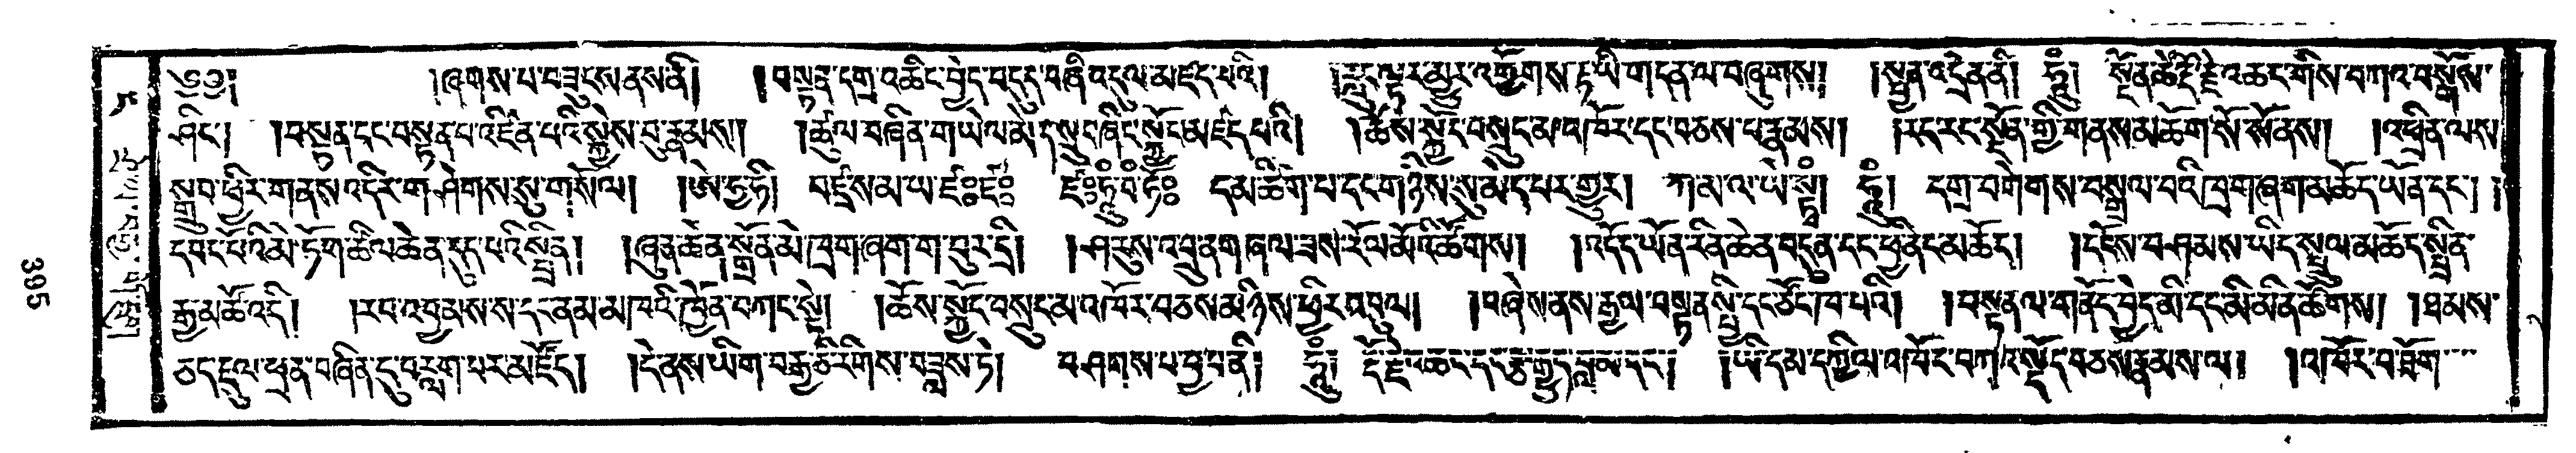༄༅། །ཞགས་པ་བཟུངས་ནས་ནི། །བསྟན་དགྲ་འཆིང་བྱེད་བདུད་བཞི་འདུལ་མཛད་པའི། །རླུང་ལྟར་མྱུར་འགྱོགས་རྟ་ཡི་གདན་ལ་བཞུགས། །སྤྱན་འདྲེན་ནི། ཧཱུཾ། སྔོན་ཚེ་རྡོ་རྗེ་འཆང་གིས་བཀའ་བསྒོས་
ཤིང་། །བསྟན་དང་བསྟན་པ་འཛིན་པའི་སྐྱེས་བུ་རྣམས། །ཚུལ་བཞིན་གཡེལ་མེད་སྲུང་ཞིང་སྐྱོང་མཛད་པའི། །ཆོས་སྐྱོང་བསྲུང་མ་འཁོར་དང་བཅས་པ་རྣམས། །རང་རང་སྔོན་གྱི་གནས་མཆོག་སོ་སོ་ནས། །འཕྲིན་ལས་
སྒྲུབ་ཕྱིར་གནས་འདིར་གཤེགས་སུ་གསོལ། །ཨེ་ཧྱ་ཧི། བཛྲ་ས་མ་ཡ་ཛཿ ཛཿ ཛཿ ཧཱུཾ་བཾ་ཧོཿ དམ་ཚིག་པ་དང་གཉིས་སུ་མེད་པར་གྱུར། ཀ་མ་ལ་ཡེ་སྟྭཾ། ཧཱུཾ། དགྲ་བགེགས་བསྒྲལ་བའི་ཁྲག་ཞག་མཆོད་ཡོན་དང་། །
དབང་པོའི་མེ་ཏོག་ཚིལ་ཆེན་དུད་པའི་སྤྲིན། །ཞུན་ཆེན་སྒྲོན་མེ་ཁྲག་ཞག་ག་བུར་དྲི། །ཤ་རུས་འབྲུ་ནག་ཞལ་ཟས་རོལ་མོའི་ཚོགས། །འདོད་ཡོན་ཏན་རིན་ཆེན་བདུན་དང་ཕྱི་ནང་མཆོད། །དངོས་བཤམས་ཡིད་སྤྲུལ་མཆོད་སྤྲིན་
རྒྱ་མཚོ་འདི། །རབ་འབྱམས་ས་དང་ནམ་མཁའི་ཁྱོན་བཀང་སྟེ། །ཆོས་སྐྱོང་བསྲུང་མ་འཁོར་བཅས་མཉིས་ཕྱིར་འབུལ། །བཞེས་ནས་རྒྱལ་བསྟན་སྤྱི་དང་ཙོང་ཁ་པའི། །བསྟན་ལ་གནོད་བྱེད་མི་དང་མི་མིན་ཚོགས། །ཐམས་
ཅད་རྡུལ་ཕྲན་བཞིན་དུ་བརླག་པར་མཛོད། །དེ་ནས་ཡིག་བརྒྱ་ཅི་རིགས་བཟླས་ཏེ། བཤགས་པ་བྱ་བ་ནི། ཧཱུཾ་རྡོ་རྗེ་འཆང་དང་རྩ་རྒྱུད་བླ་མ་དང་། །ཡི་དམ་དཀྱིལ་འཁོར་བཀའ་སྡོད་བཅས་རྣམས་ལ། །འཁོར་བ་ཐོག་